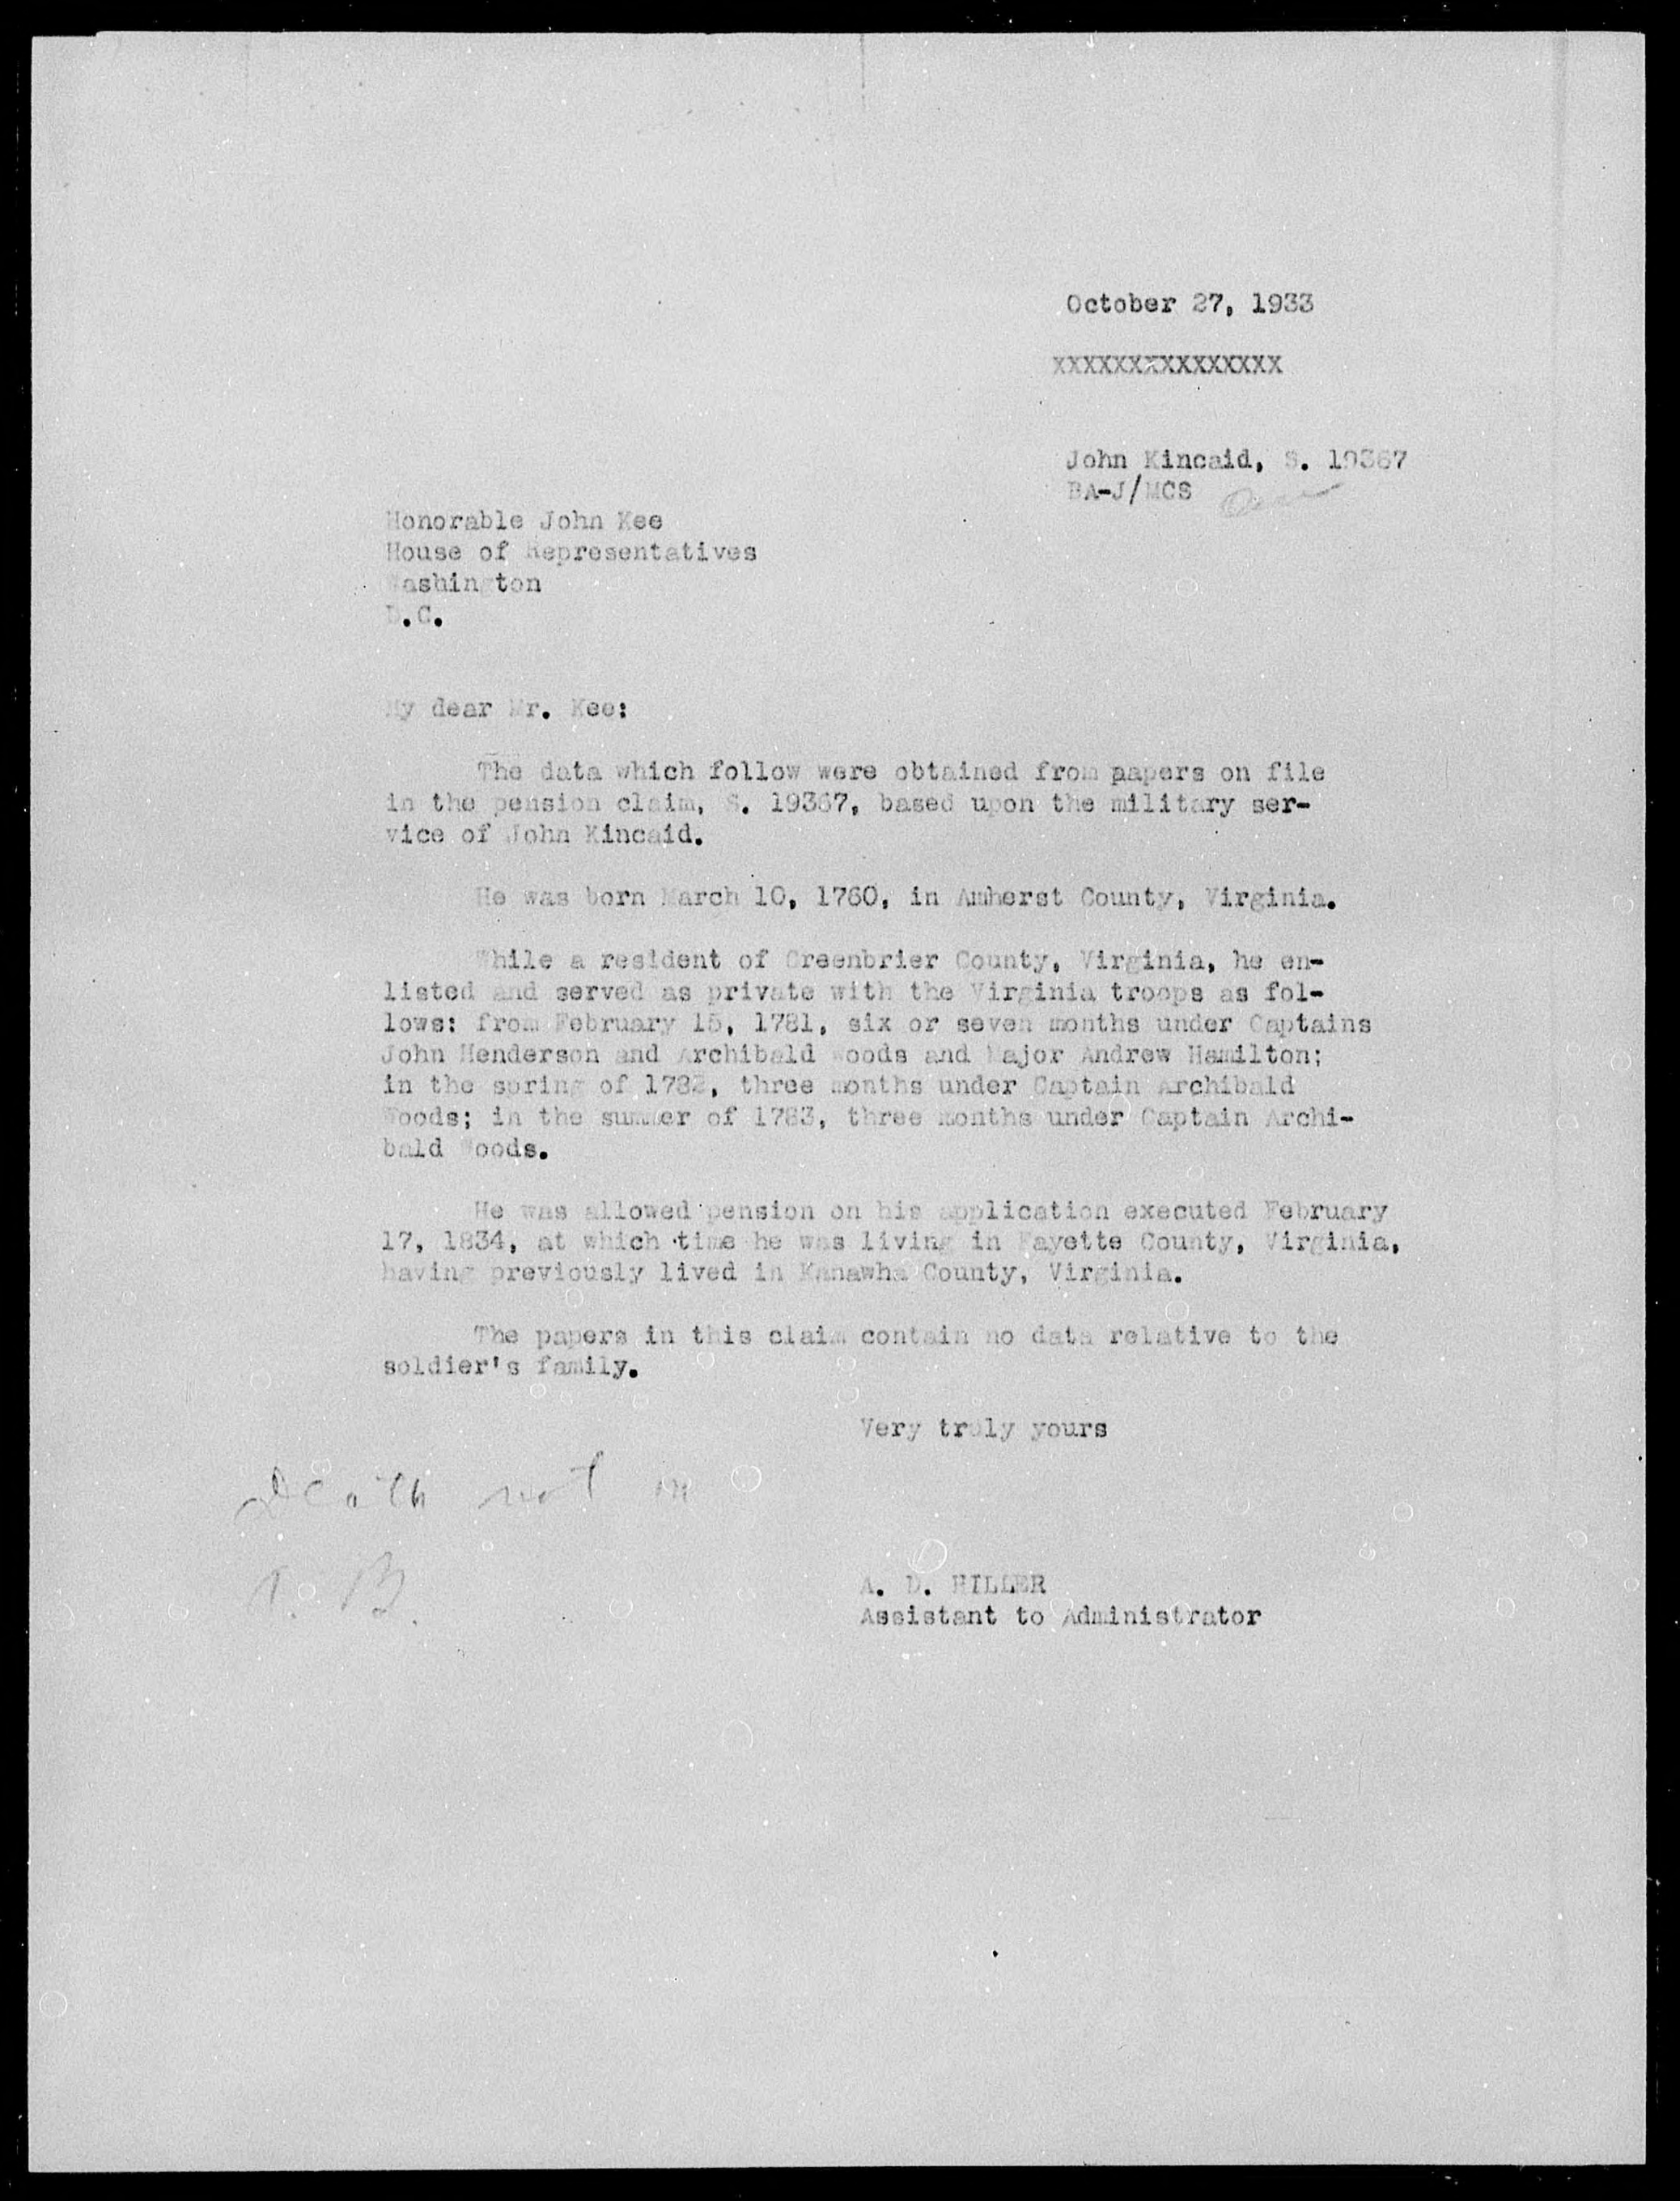October 27, 1923


John Kincaid, S.19367
BA-J/MCS


Honorable John Kee
House of Representatives 
Washington
D.C.


My dear Mr. Kee:

The data which follow were obtained from papers on file in the pension claim, S.19367, based upon the military service of John Kincaid.

He was born March 10, 1760 in Amherst County, Virginia.

While a resident of Greenbrier County, Virginia, he enlisted and served as private with the Virginia troops as follows:  from February 15, 1781, six or seven months under Captains John Henderson and Archibald Woods and Major Andrew Hamilton; in the spring of 1782, three months under Captain Archibald Woods.

He was allowed pension on his application executed February 17, 1834, at which time he was living in Fayette County, Virginia, having previously lived in Kanawha County, Virginia.

The papers in the claim contain no data relative to the soldier's family.

Very truly yours,

A.D. Hiller 
Assistant to Administrator


Death not in A.B.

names: John Henderson; John Kee; A D Hiller; John Kincaid; Archibald Woods; Andrew Hamilton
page: 7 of 33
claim: survivor's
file: S. 19367, for John Kincaid, Virginia